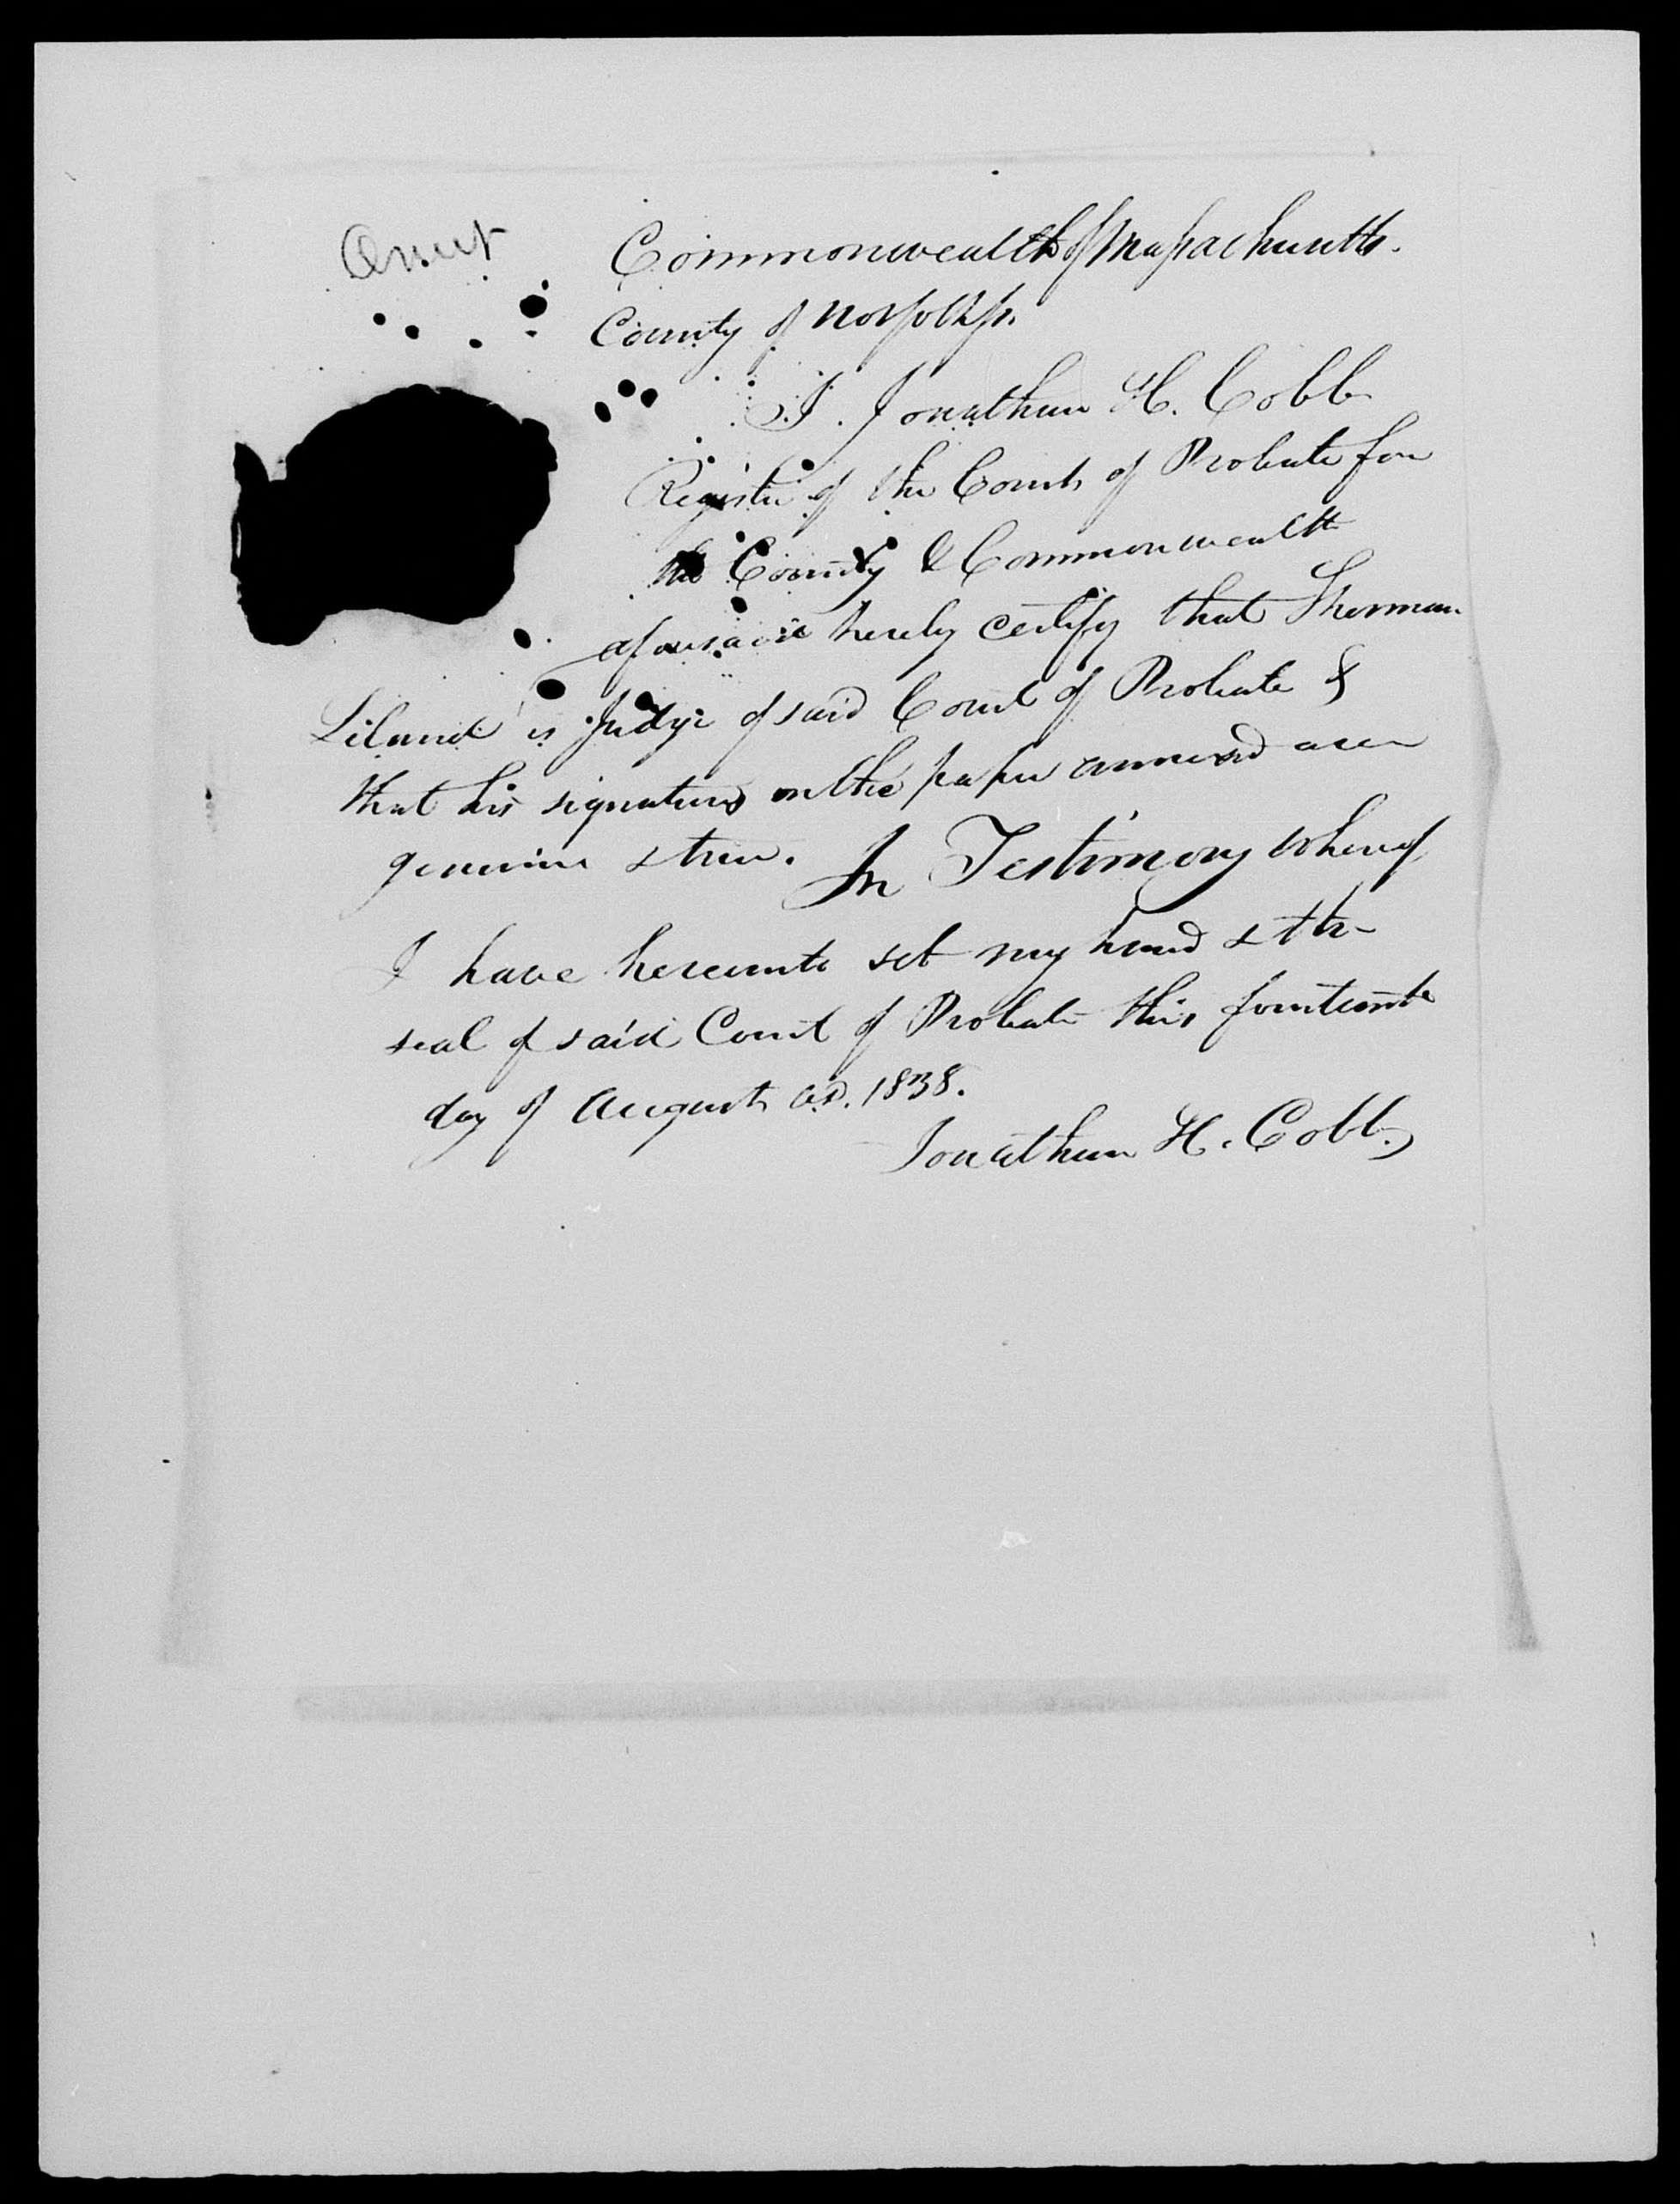[illegible seal]Commonwealth of Massachusetts County of Norfolk 
I Jonathan H Cobb Register of the Court of Probate for the County & Commonwealth aforesaid hereby certify that Sherman Leland is Judge of said Court of Probate & that his signature on the paper amended as genuine & true. In Testimony whereof I have hereunto set my hand & the seal of said Court of Probate this fourteenth day of August a.d. 1838.   Jonathan H. Cobb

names: Jonathan H Cobb, Sherman Leland, Jonathan H Cobb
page: 11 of 46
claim: widow's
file: W. 23,673, John Brisler, Mass.